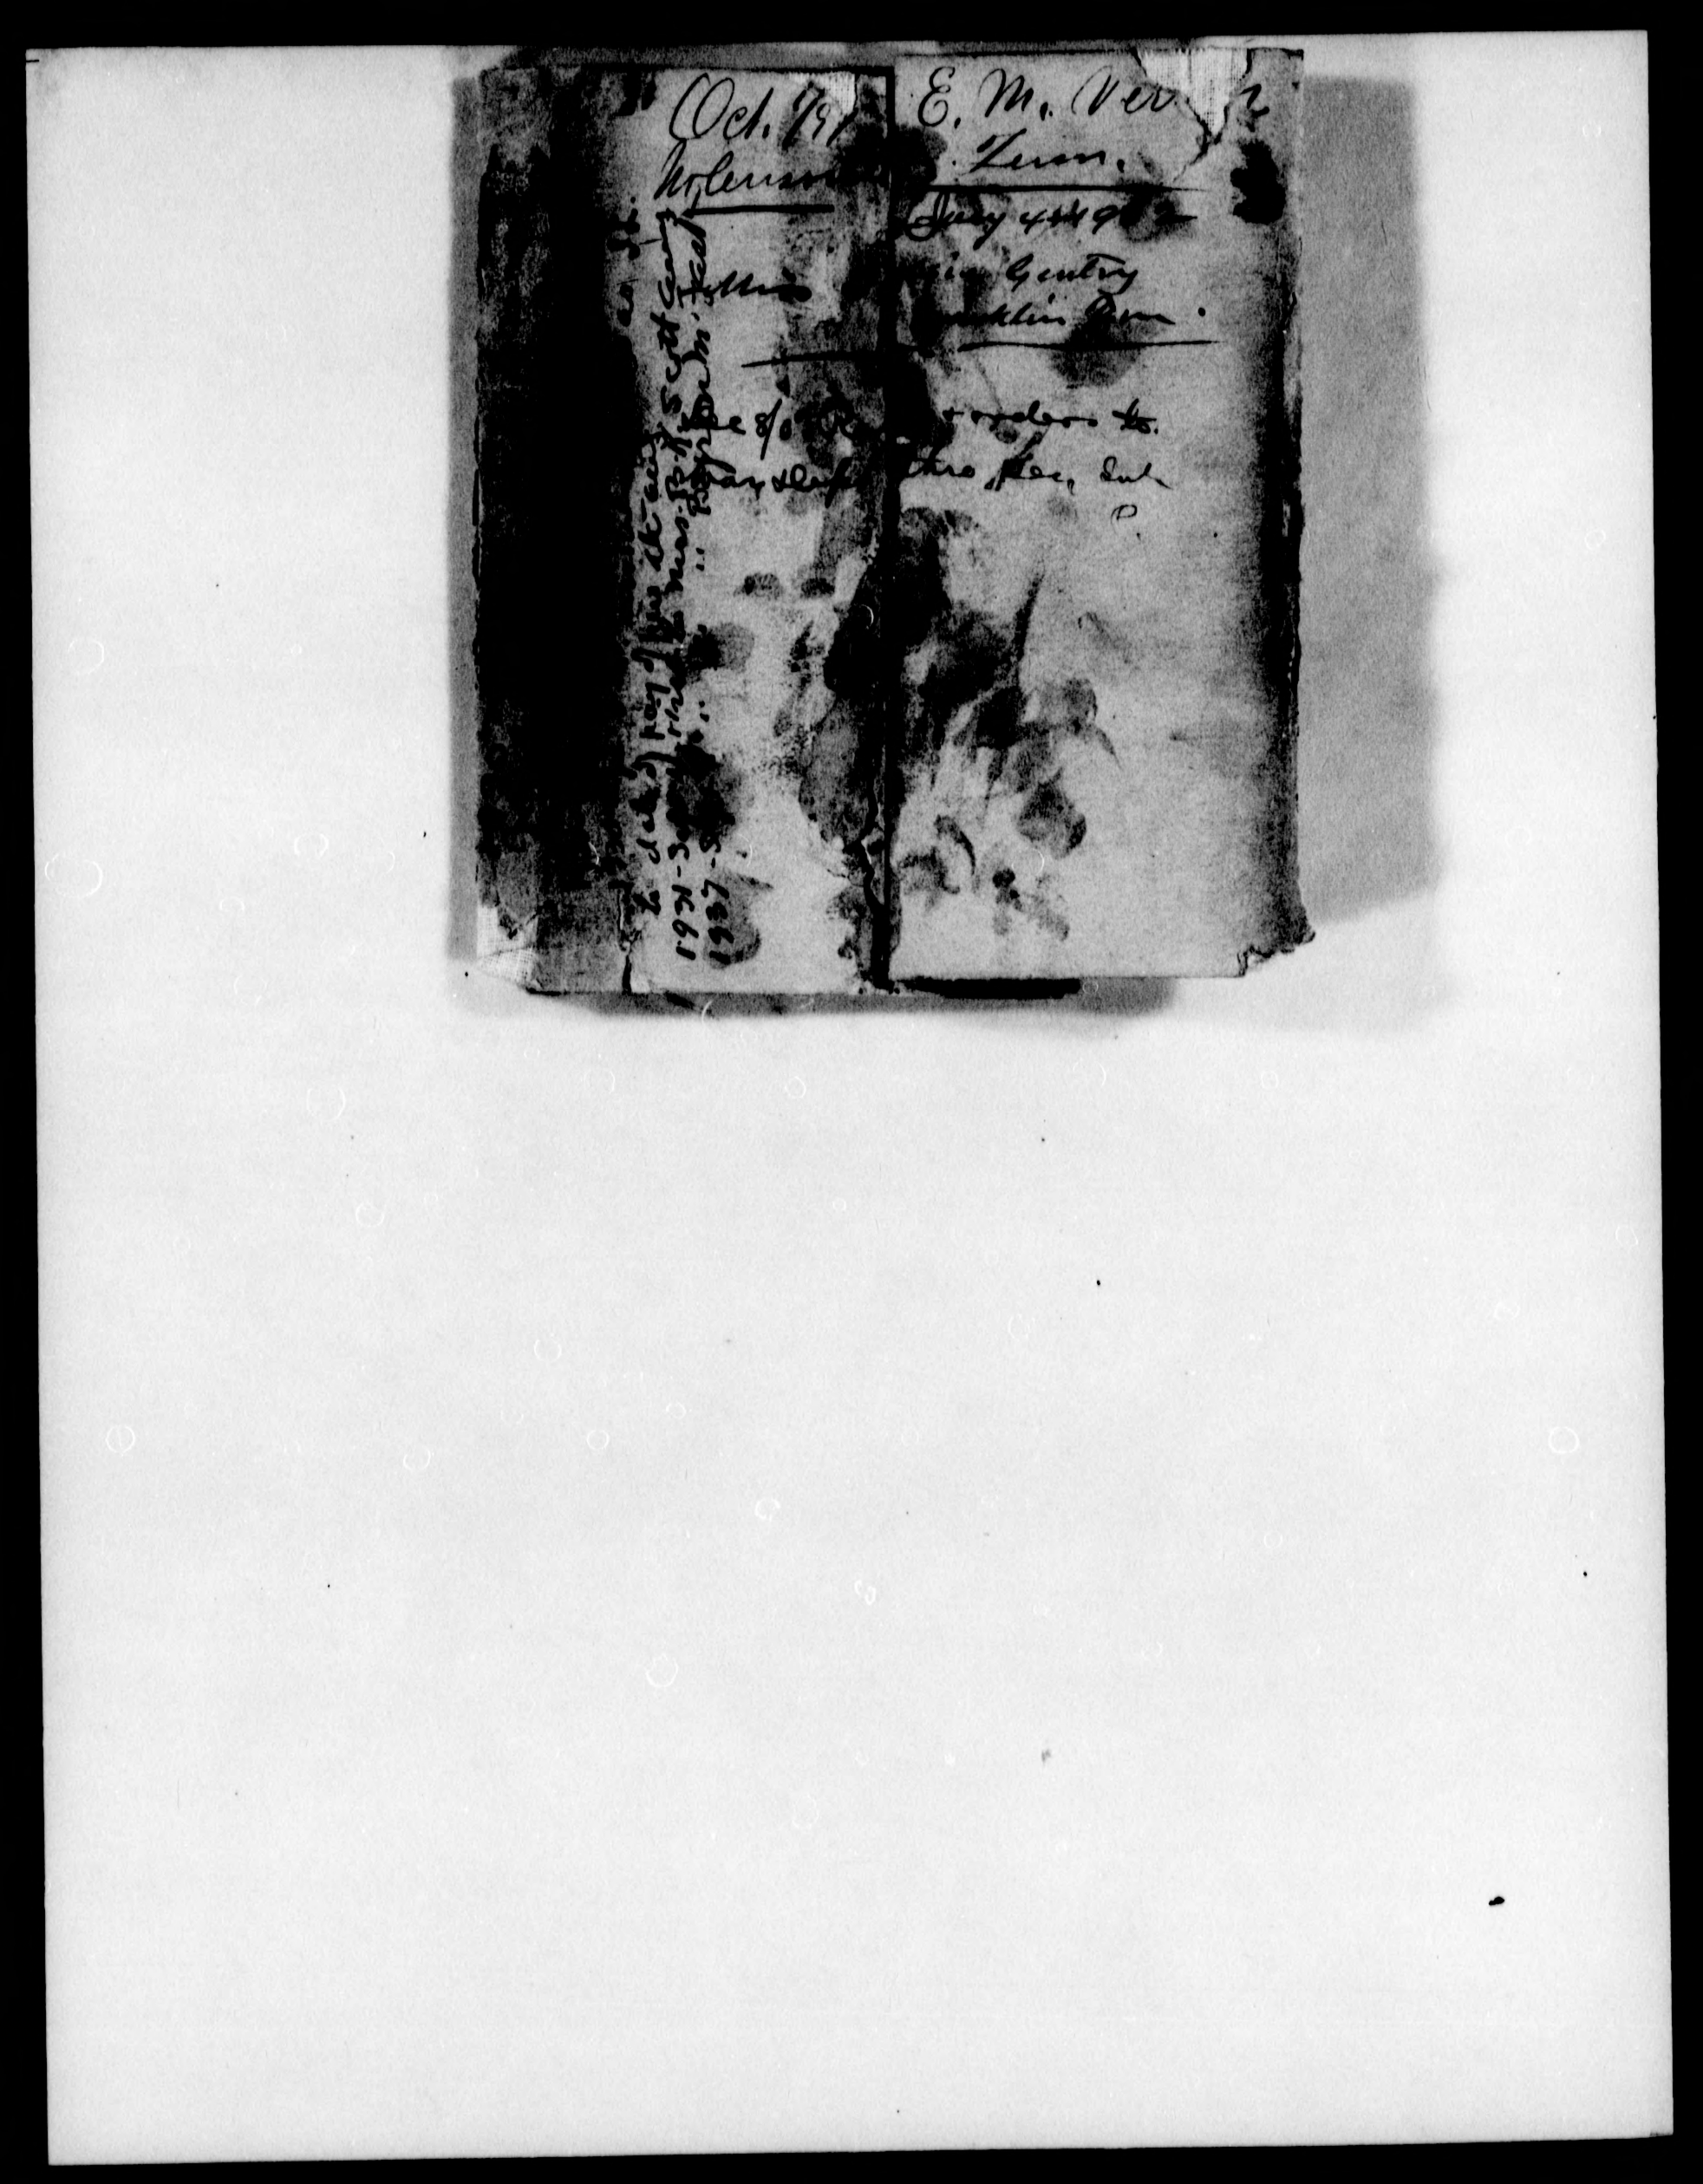[entire document illegible]
Oct 7 91
E. M. Ver
Nolensville Tenn.
July 4th 9
Mrs. gentry
nklin
1931
1937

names: E M Vernon, B K Scott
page: 79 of 105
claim: survivor's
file: S. 1883, Richard Vernon, N.C.